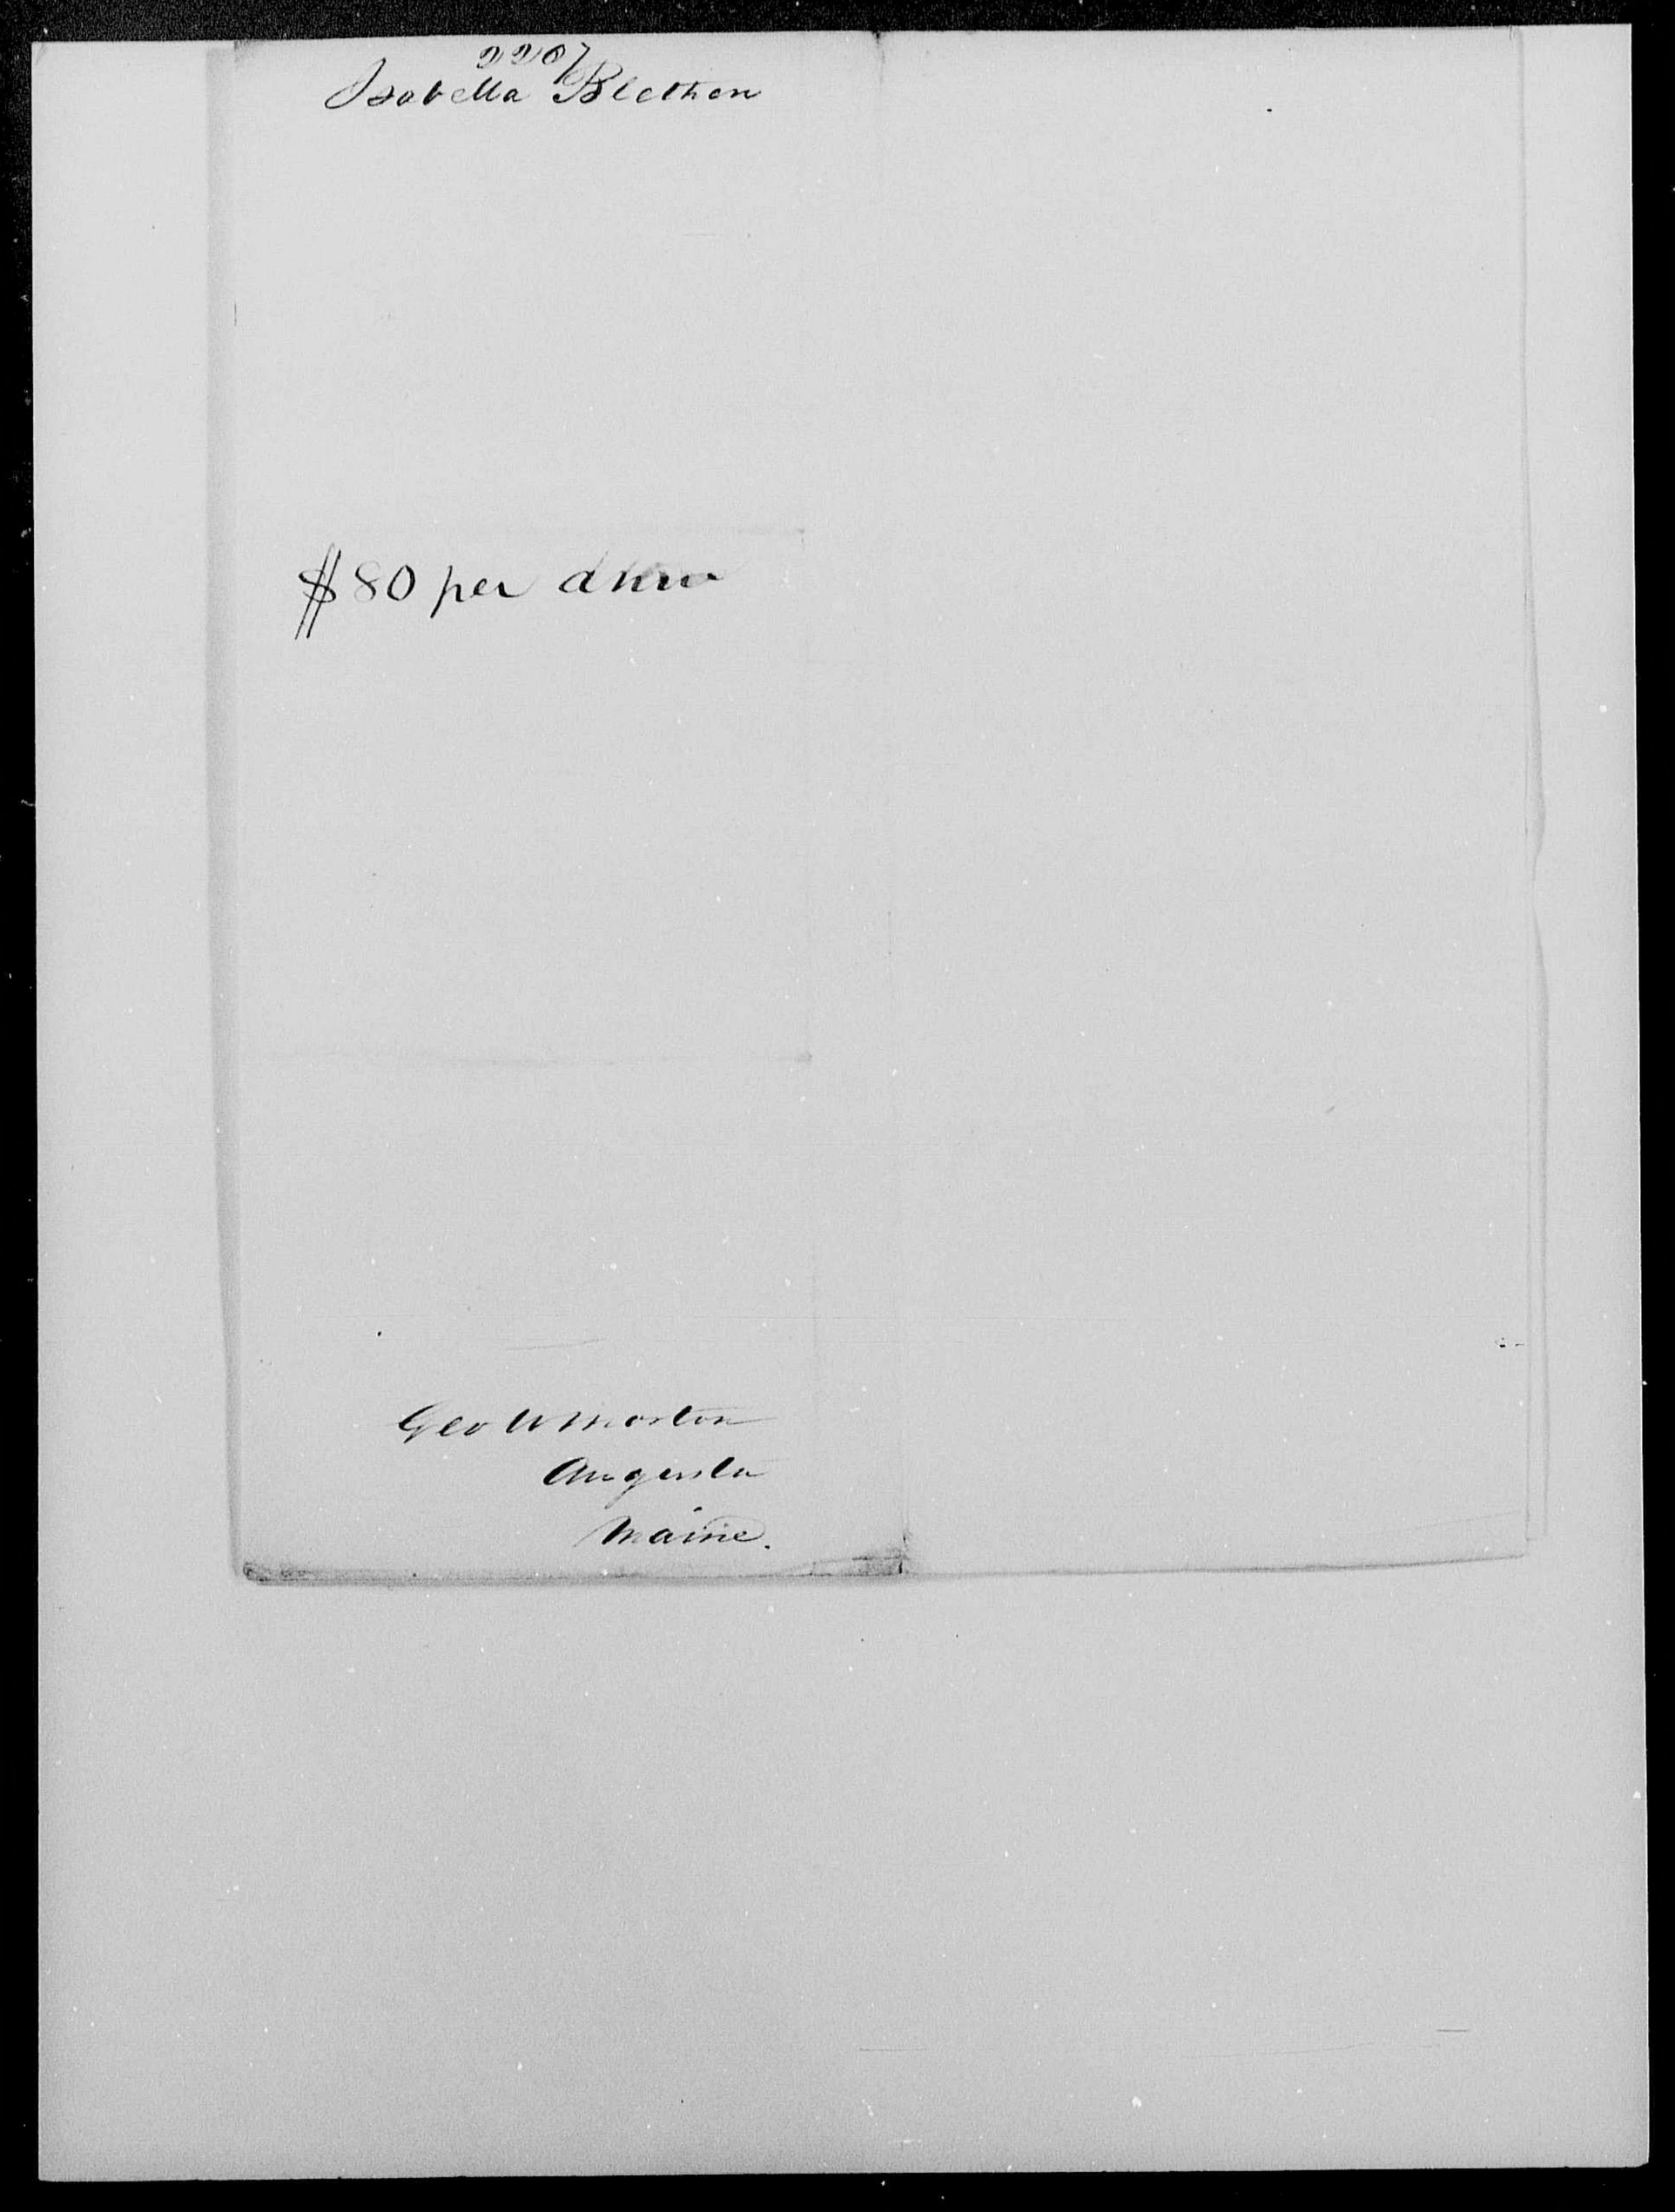2207
Isabella Blethen

$80 per anm

Go W Morton
Augusta
Maine.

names: Geo W Morton, Isabella Blethen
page: 33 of 39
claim: widow's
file: W. 23,621, Increase Blethen, Mass.